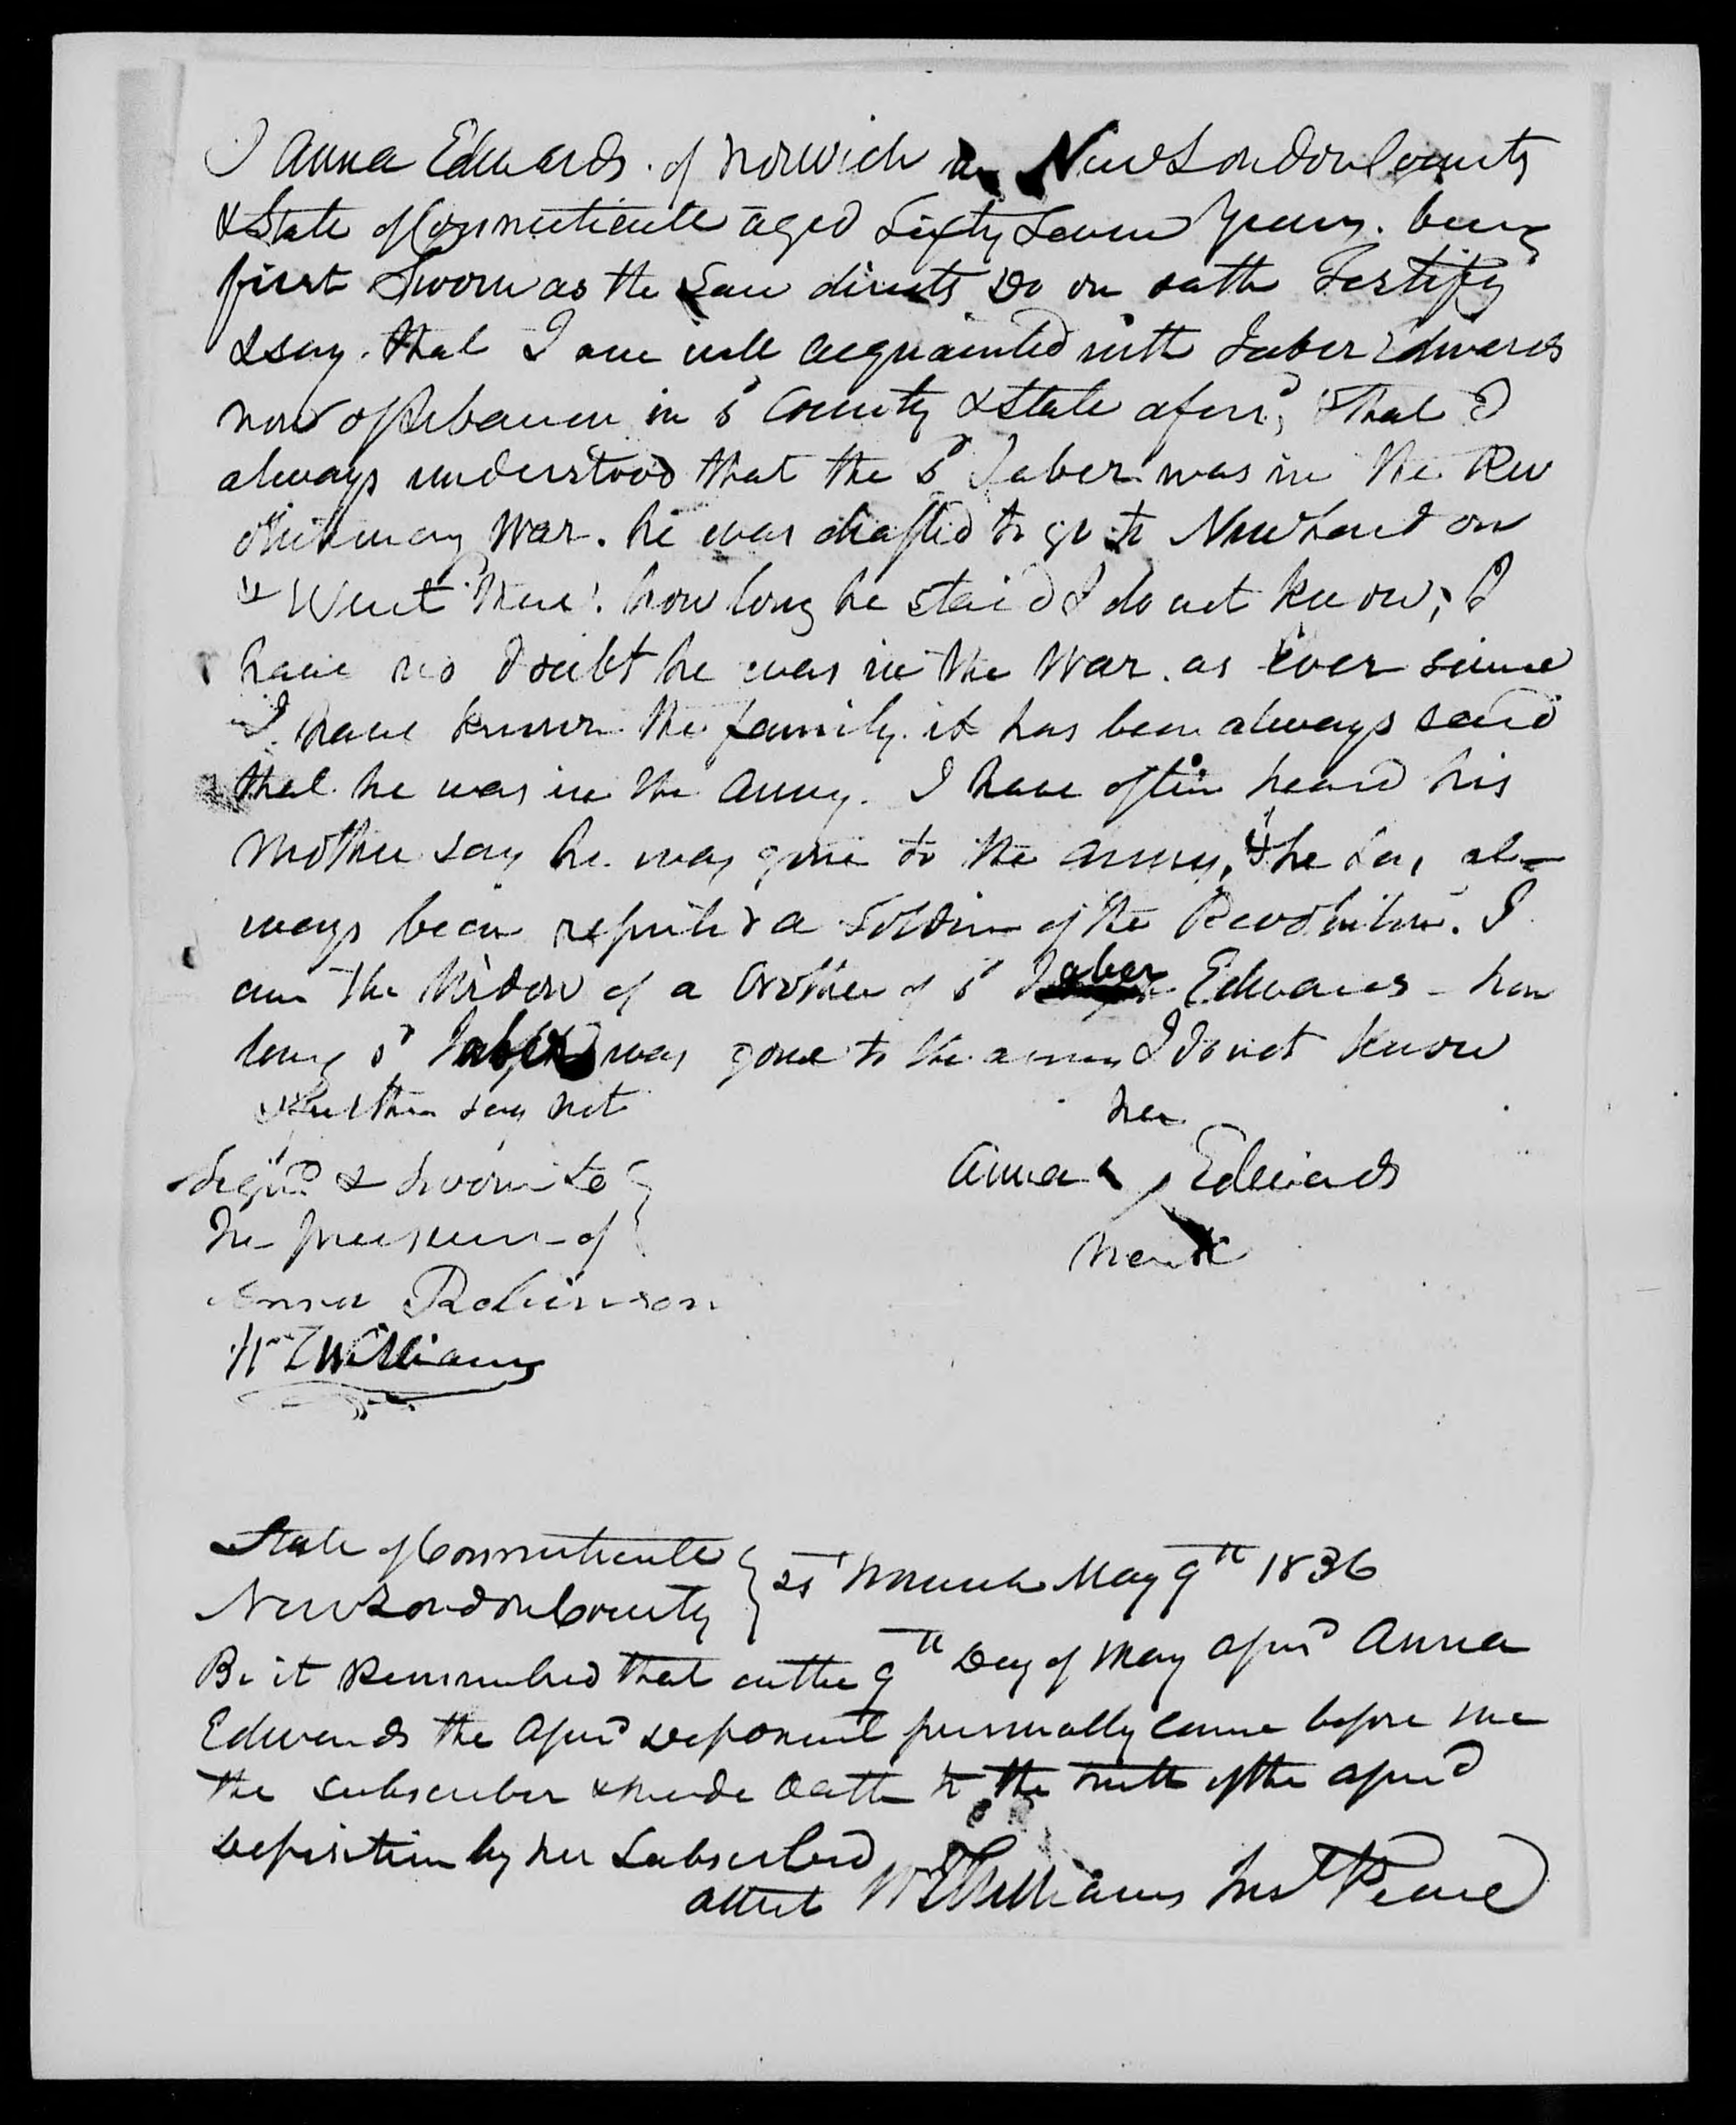I Anna Edwards of Norwich in New London County, State of Connecticut aged sixty seven years, being first sworn as the law directs do on oath testify & say that I am well acquainted with Jabez Edwards now of Lebanon in said county & state aforesaid, that I always understood that the said Jabez was in the Revolutionary War. He was drafted to go to New London & went there. How long he stayed I do not know; I have no doubt he was in the war as ever since I have known the family it has been always said that he was in the army. I have often heard his mother say he was gone to the army. The [illegible] always been reputed a soldier of the Revolution. I am the widow of a brother of Jabez Edwards. How long aforesaid Jabez was gone to the army I do not know & further say not.

Her mark: {signed} Anna Edwards

Signed & Subscribed in presence of
[illegible] Robinson
Wm. T. Williams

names: Jabez, Wm T Williams, Wm T Williams, Jabez Edwards, Jabez, Anna Edwards, Jabez Edwards, Anna Edwards, Anna Edwards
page: 37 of 50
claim: survivor's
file: S 10607, Jabez Edwards, Conn.